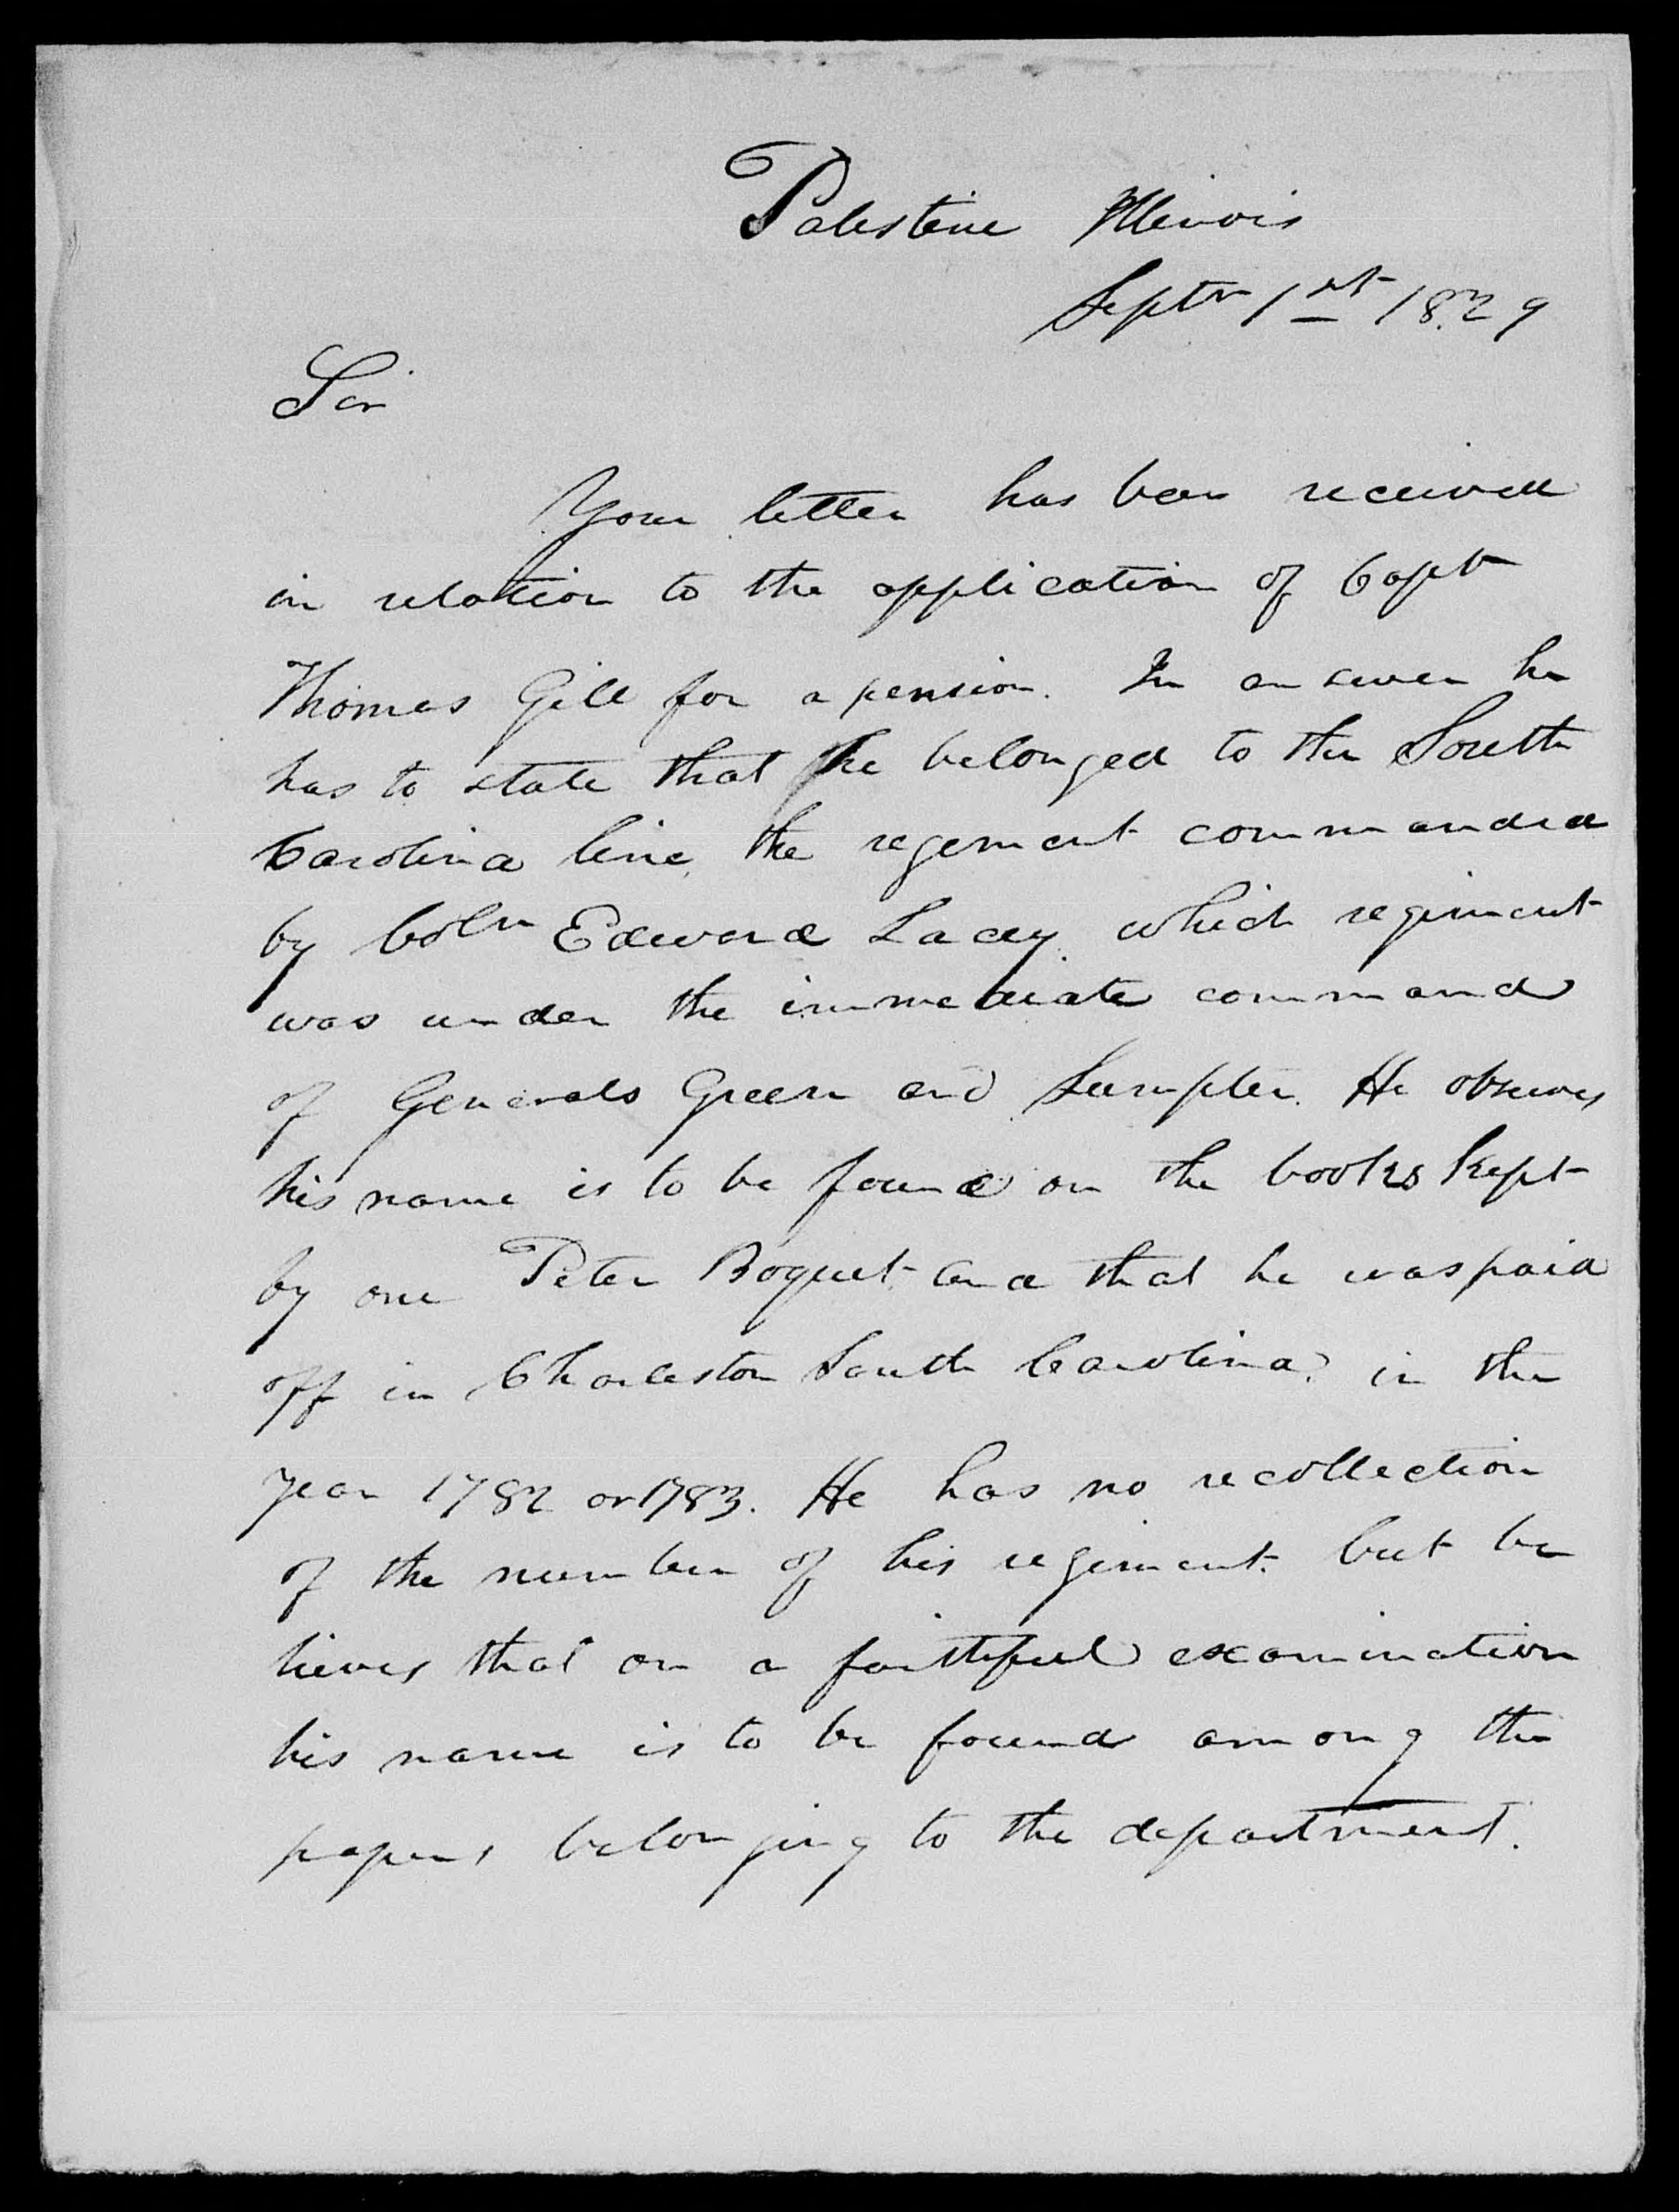Palestine Illinois Septr 1st 1829
Sir Your letter has been received
in relation to the application of Capt
Thomas Gill for a pension.
In answer he has to state that he belonged to the South Carolina
line, the regiment commanded
by Col Edward Lacey which regiment
was under the immediate command
of Generals [Nathanael Greene] Green and [Thomas Sumter] Sumpter. He observes his name is to be found on the books kept by one Peter Boquet and that he was paid off in Charleston South Carolina in the
year 1782 or 1783. He has no recollection of the number of his regiment but believes that on a faithful examination his name is to be found among the papers belonging to the department.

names: Peter Bogent, Edward Lacey, Green, Thomas Gill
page: 33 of 44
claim: survivor's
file: S. 31,061, Thomas Gill, S.C.